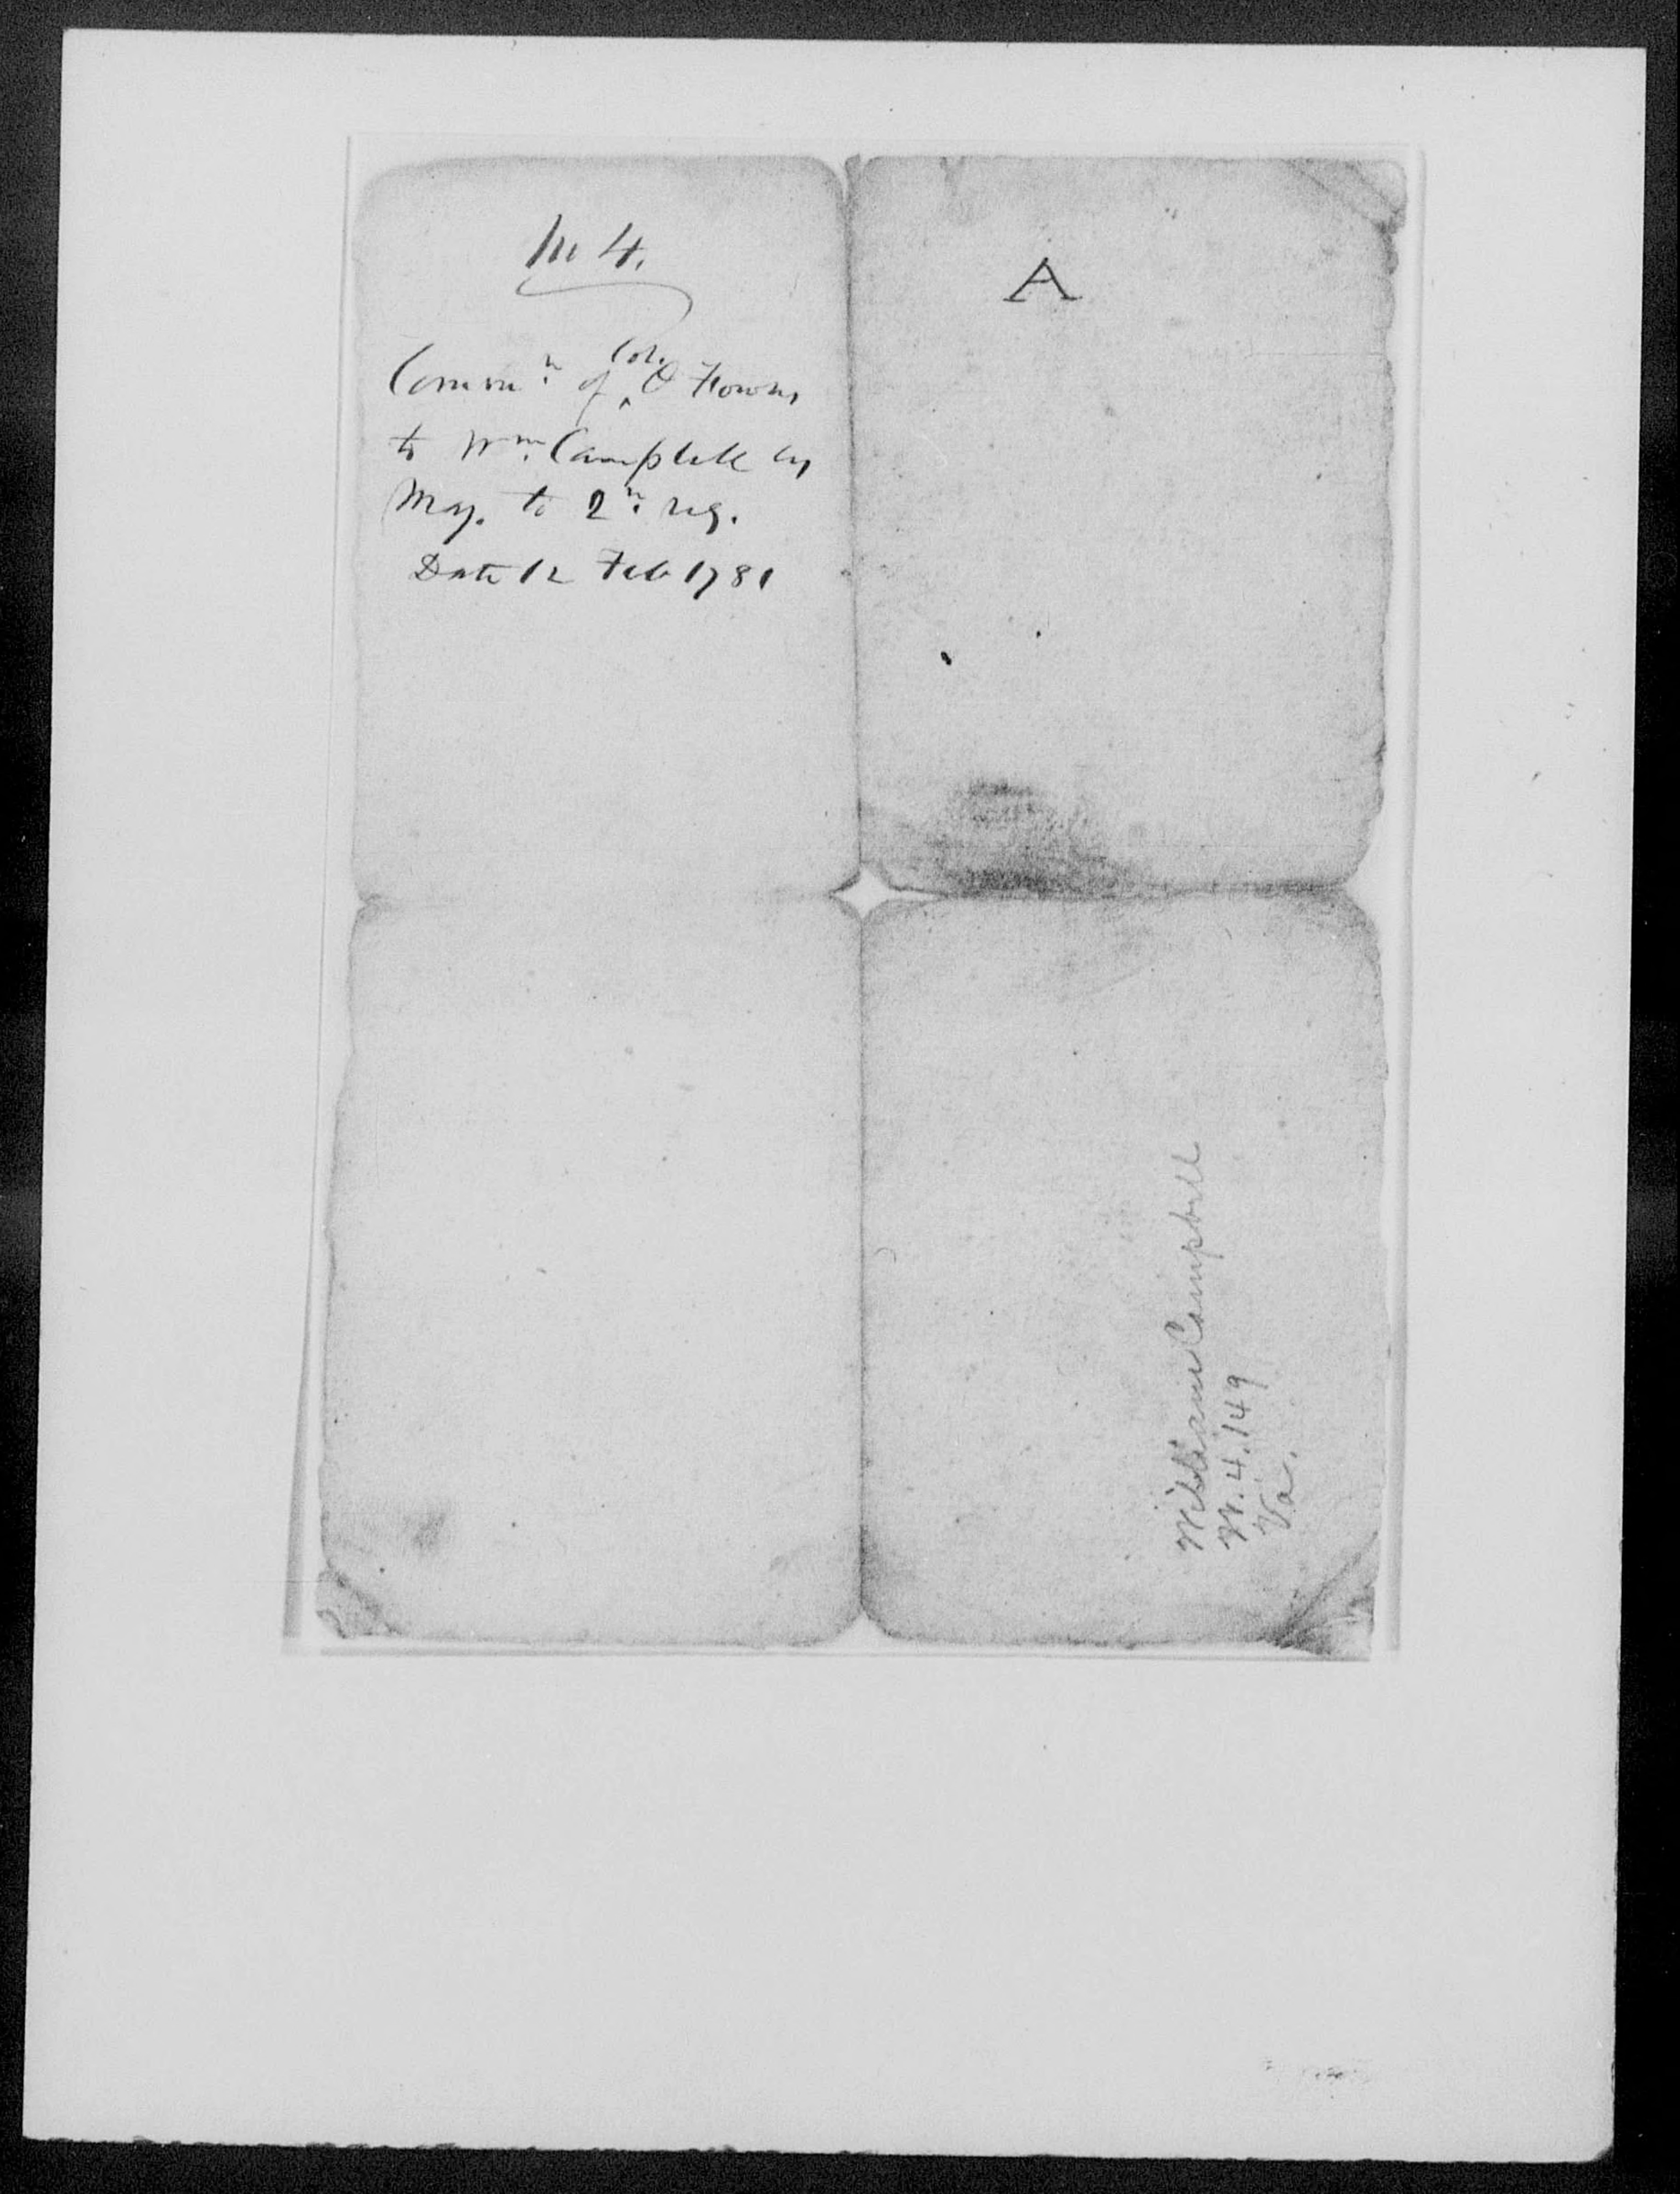[left side of page]

No 4.

Commn. of [insert] Col. [end insert] O Fowns
to Wm. Campbell by May. to 2n. reg.
Date 12 February 1781

[right side of page]

A


[bottom right side of right page written from bottom to top as follows]
William Campbell
W. 4,149
Va.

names: William Campbell, Wm Campbell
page: 72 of 267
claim: widow's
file: W. 4,149, William Campbell, Va.